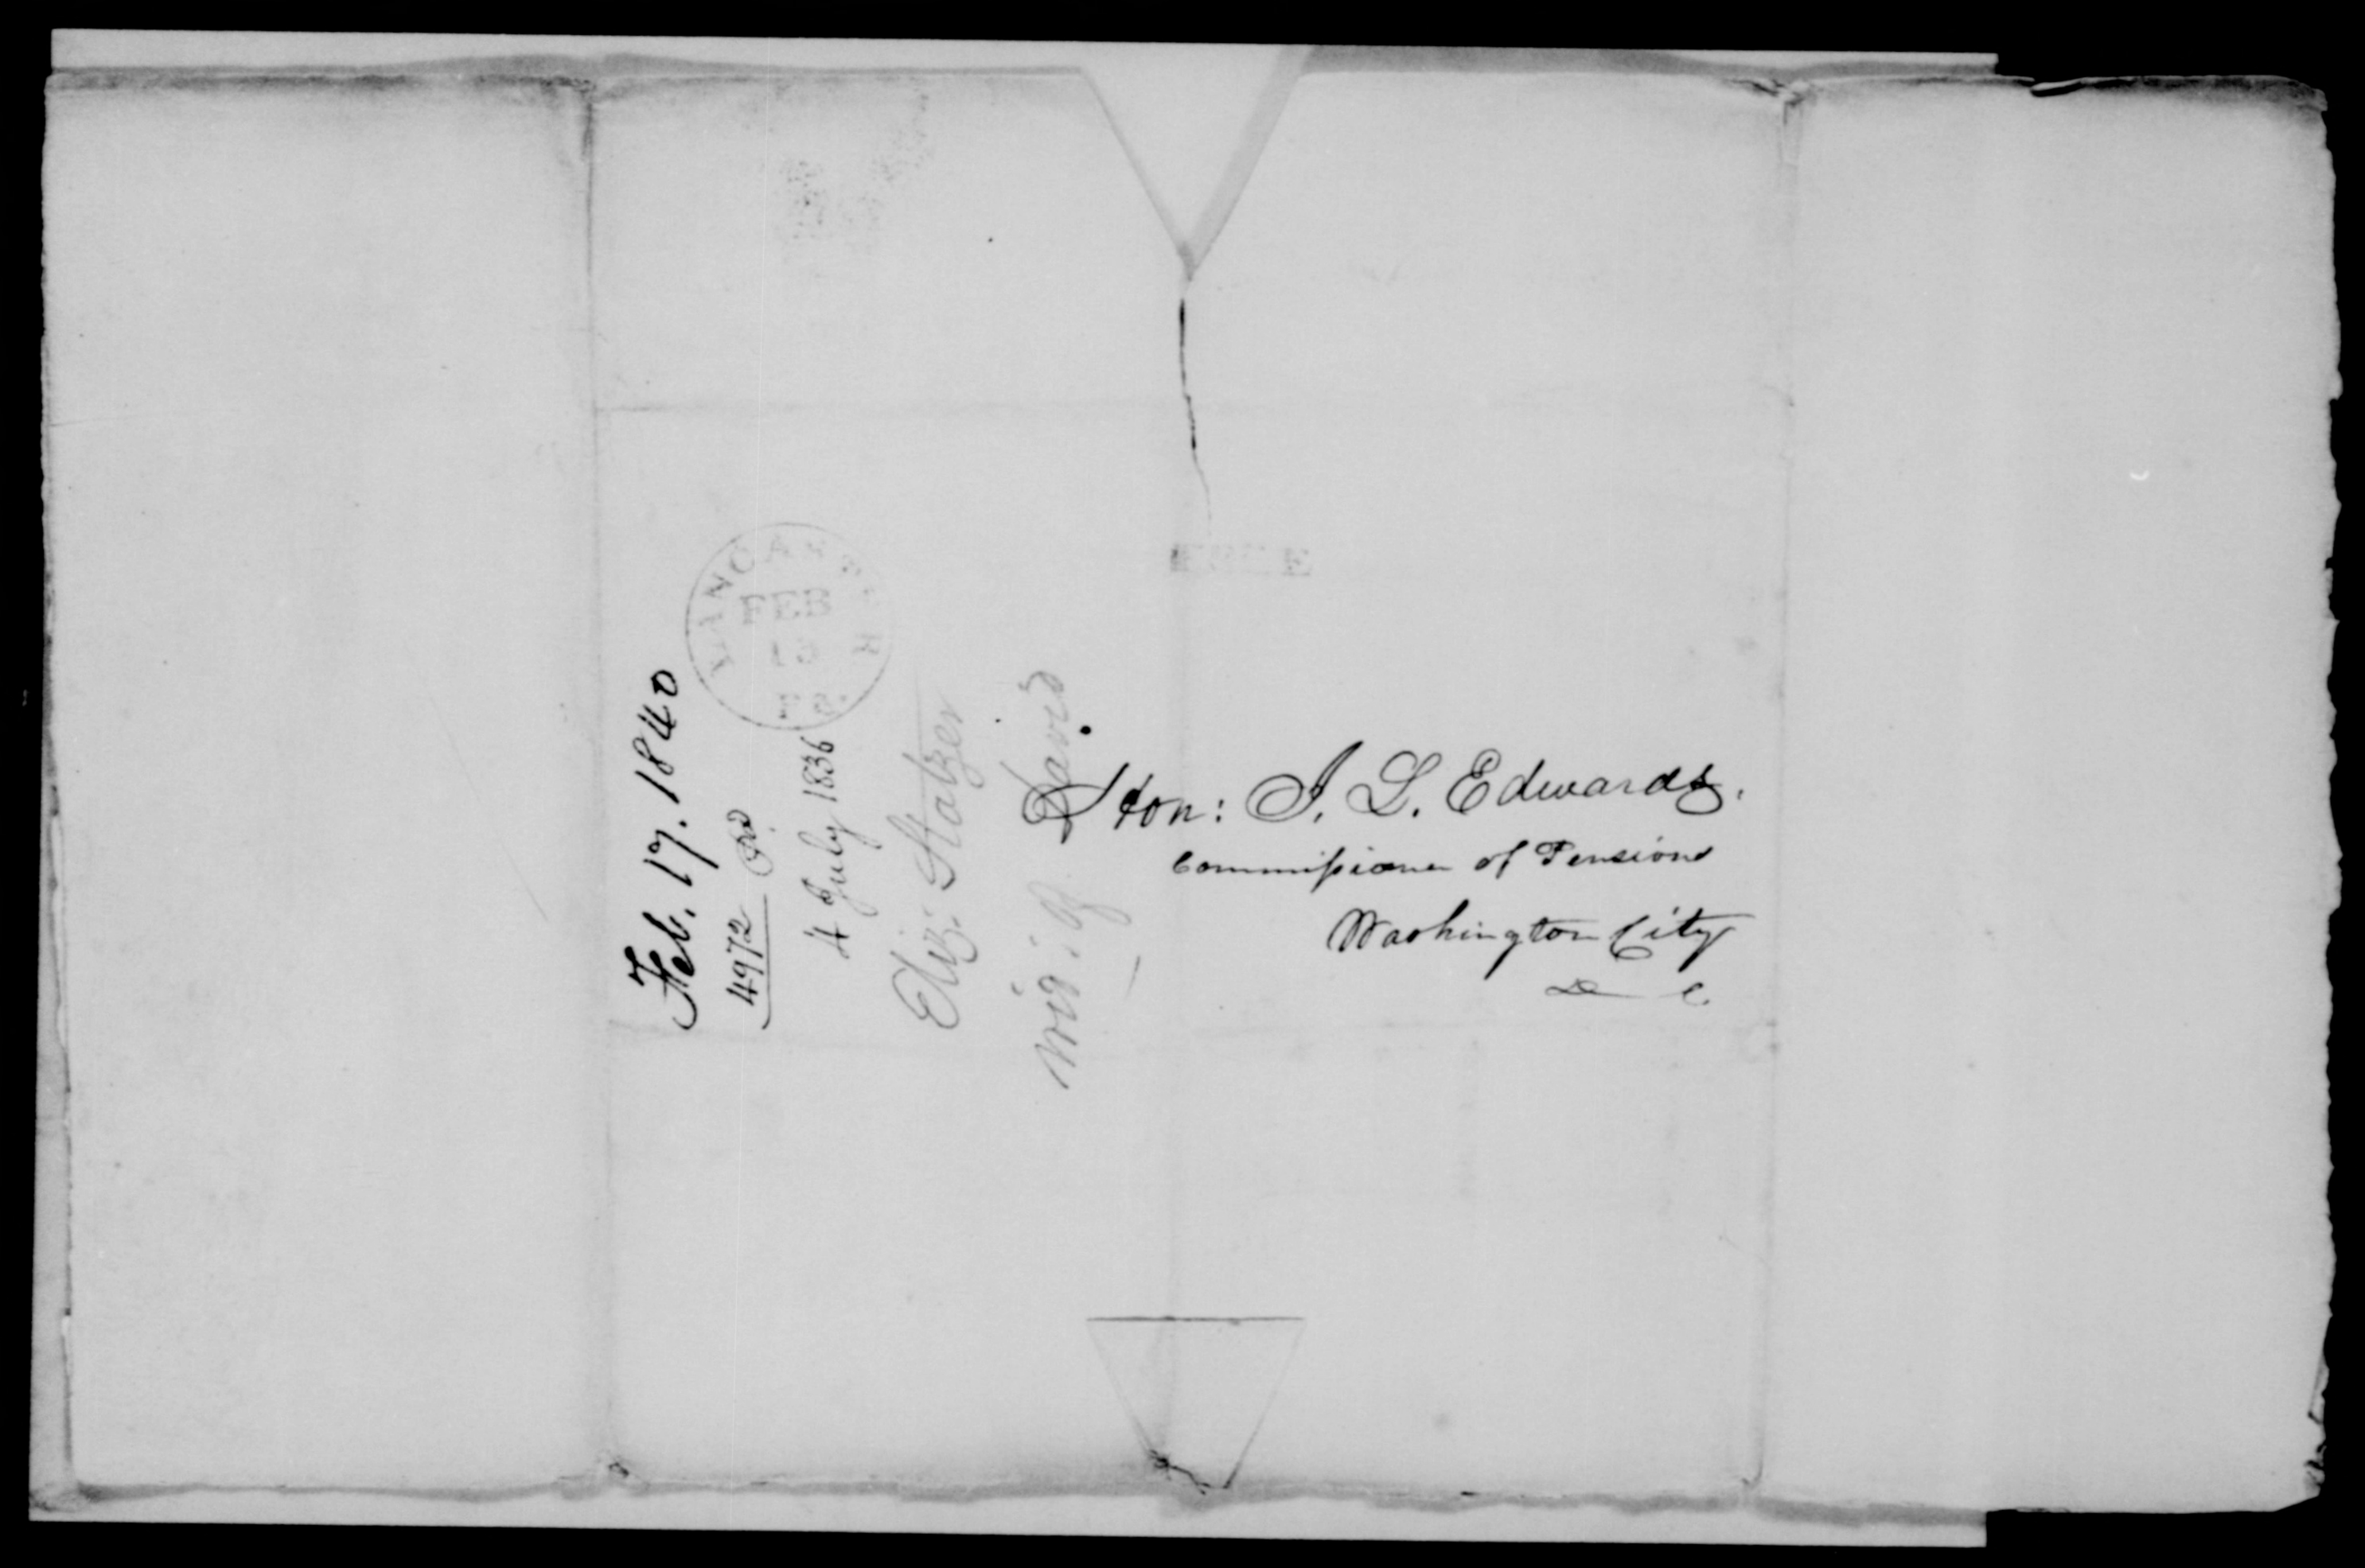[Stamp: Lancaster, Pa, Feb 13]
Feb 17, 1840
4972 Paid
4 July 1836
Eliz. Statzer, widow of David
Hon. J. L. Edwards
Commissioner of Pensions
Washington City, D.C.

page: 22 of 28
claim: widow's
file: W. 3163, for David Statser, Pennsylvania